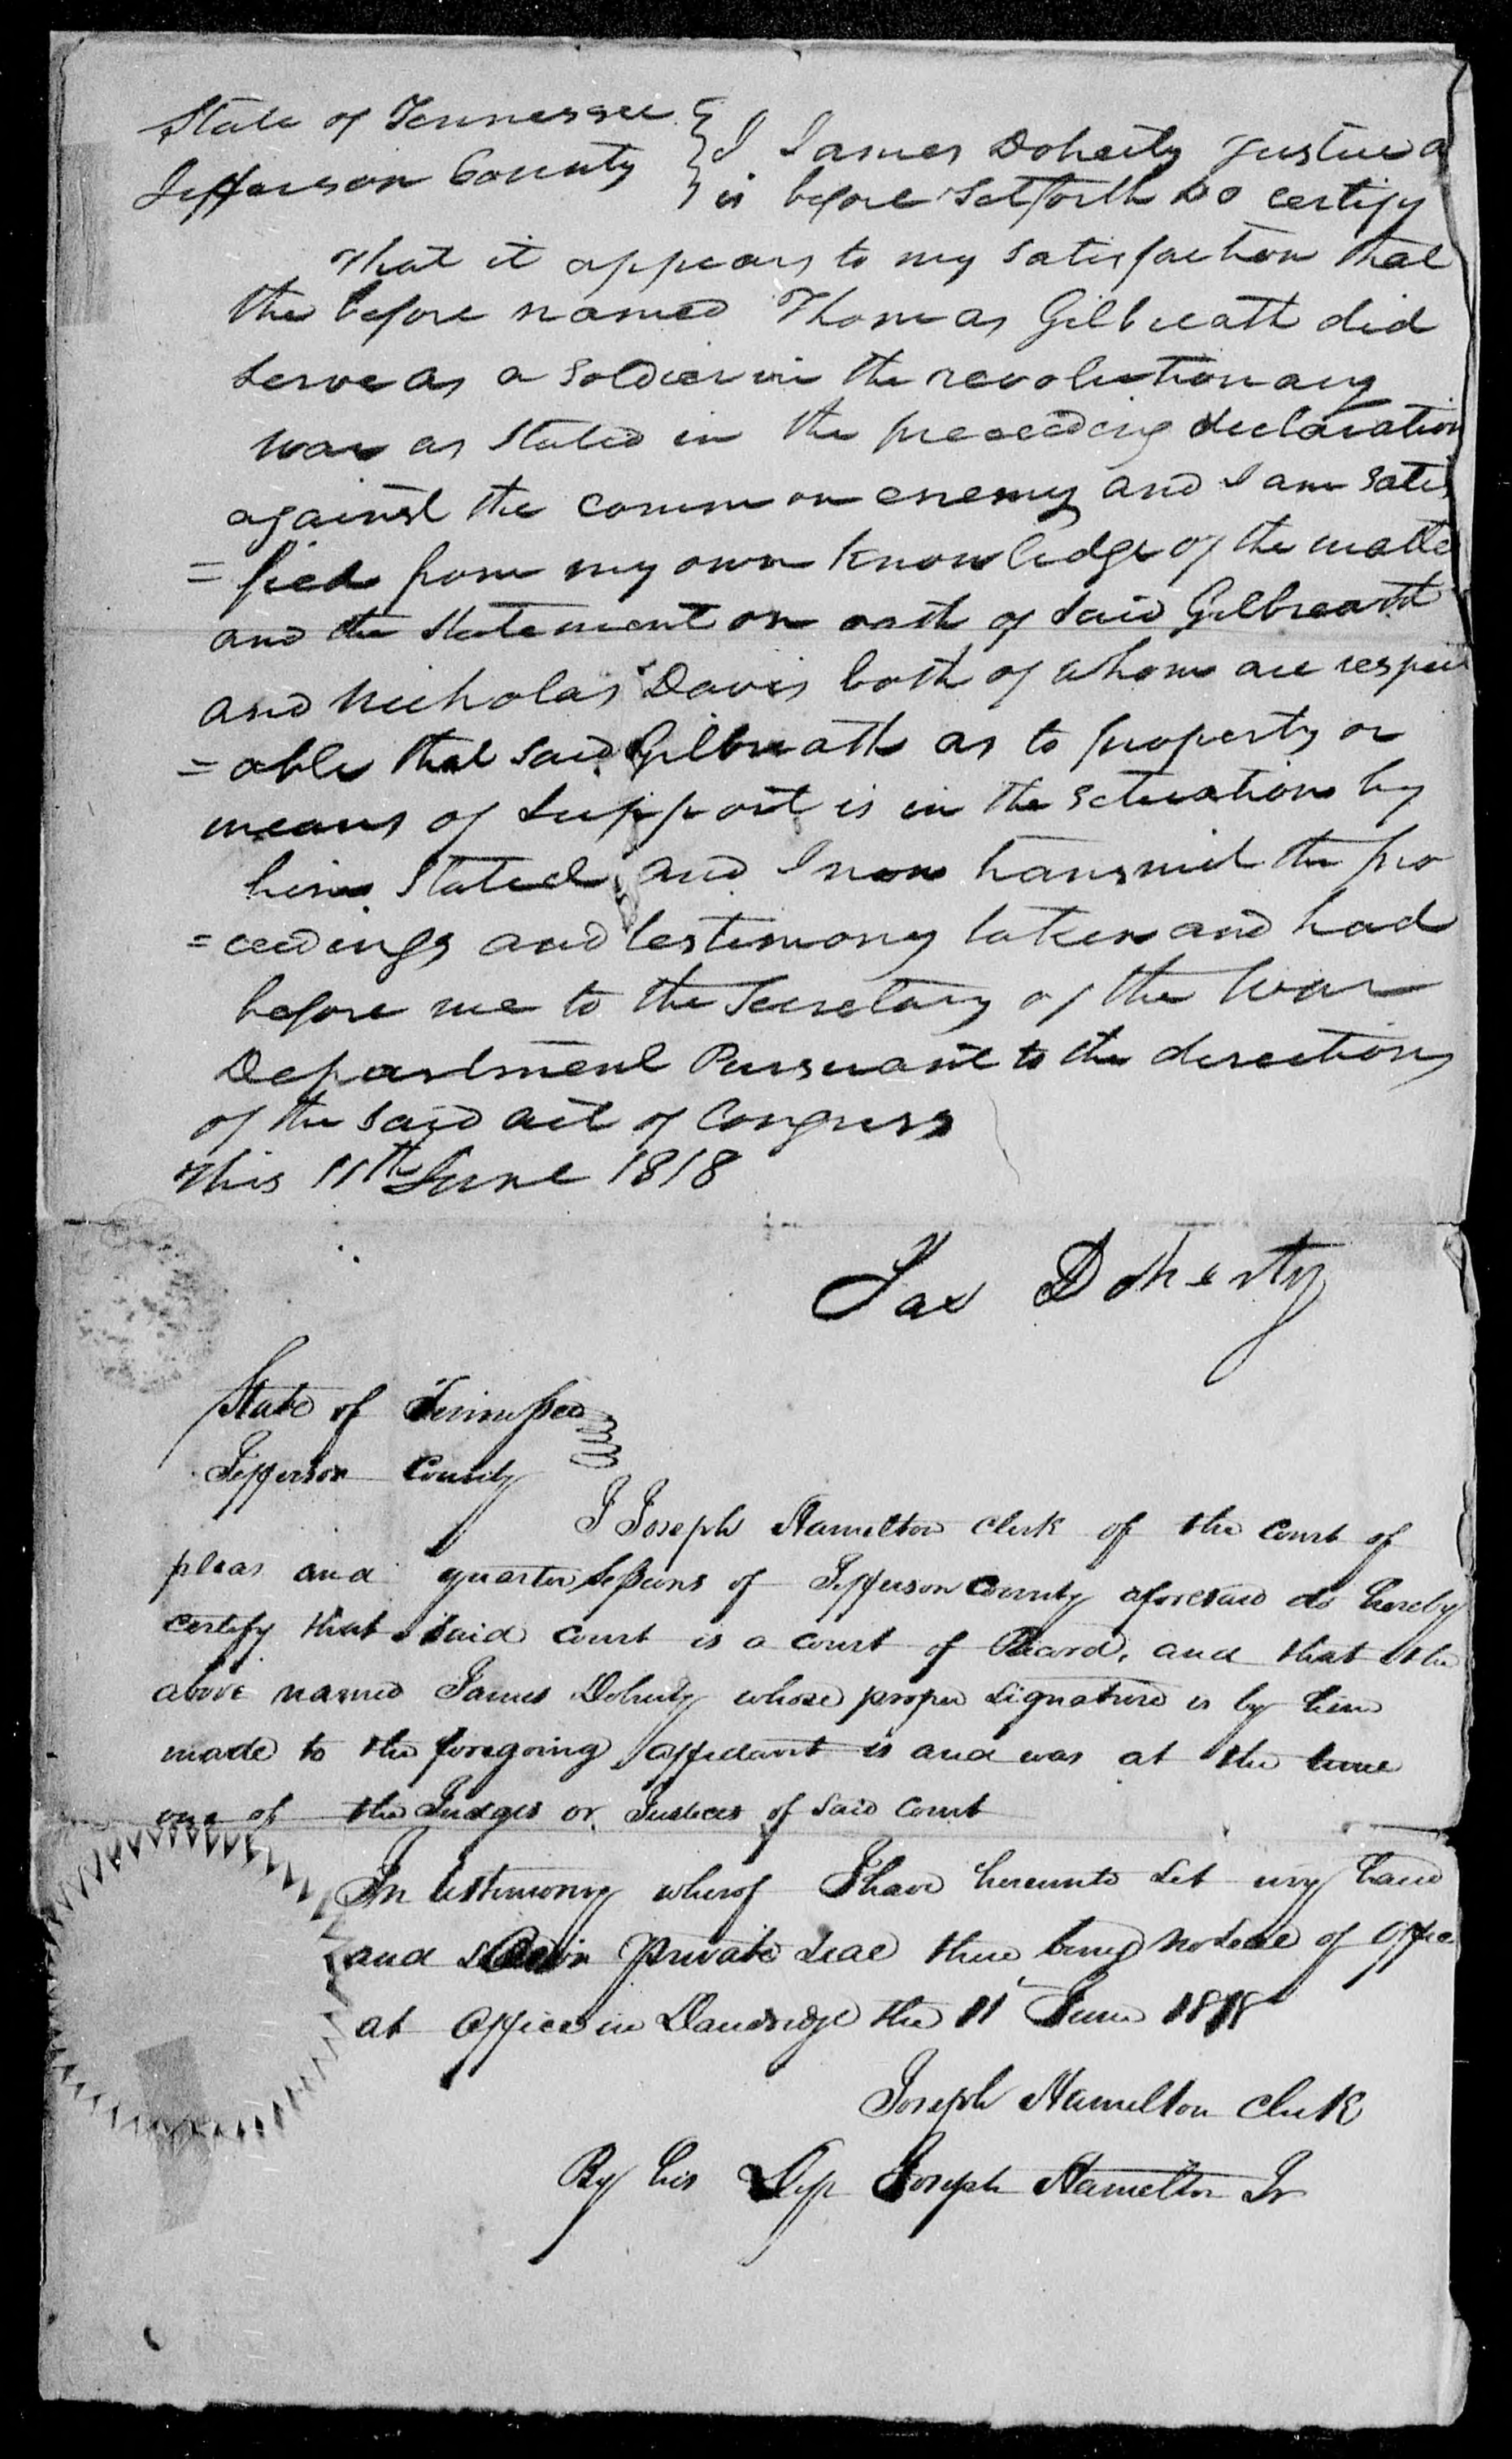State of Tennessee}  I James Doherty Justice a
Jefferson County}  is before Gatforth so certify
That it appears to my satisfaction that the before named Thomas Gilbreath did serve as a soldier in the revolutionary war as stated in the preceding  declaration against the common enemy and I am satisfied from my own knowledge of the matter and the statement on oath of said Gilbreath and Nicholas Davis both of whom are respectable that said Gilbreath as to property of means of support is in the [illegible] by him Stated , and I now transmit the procedings [sic] and testimony taken and had before me to the Secretary of the War Department Pursuant to the direction of the said act of Congress
this 11th June 1818
Jas Doherty

State of Tennessee}
Jefferson County} 
     I Joseph Hamilton clerk of the Court of pleas and quarter sessions of Jefferson County aforesaid do hereby certify that said court is a court of Record and that the above named James Doherty whose proper Signature is by him made to the foregoing affidavit is and was at the time one of the Judges or Justices of said Court
In testimony whereof I have hereunto Set my hand and [scribbled out] private Seal there being no Seal of Office at Office in Daudridge the 11 June 1818
Joseph Hamilton clerk
By his Dep Joseph Hamilton Sr

[jagged round-edged image at the left of the above paragraph with a piece of apparant tape at the bottom]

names: Joseph Hamilton, James Doherty, Jas Doherty, Gilbreath, Thomas Gilbreath, Nicholas Davis, Gilbreath, James Doherty, Joseph Hamilton, Joseph Hamilton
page: 5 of 24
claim: survivor's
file: S. 38727, Thomas Gilbreath, Penn.